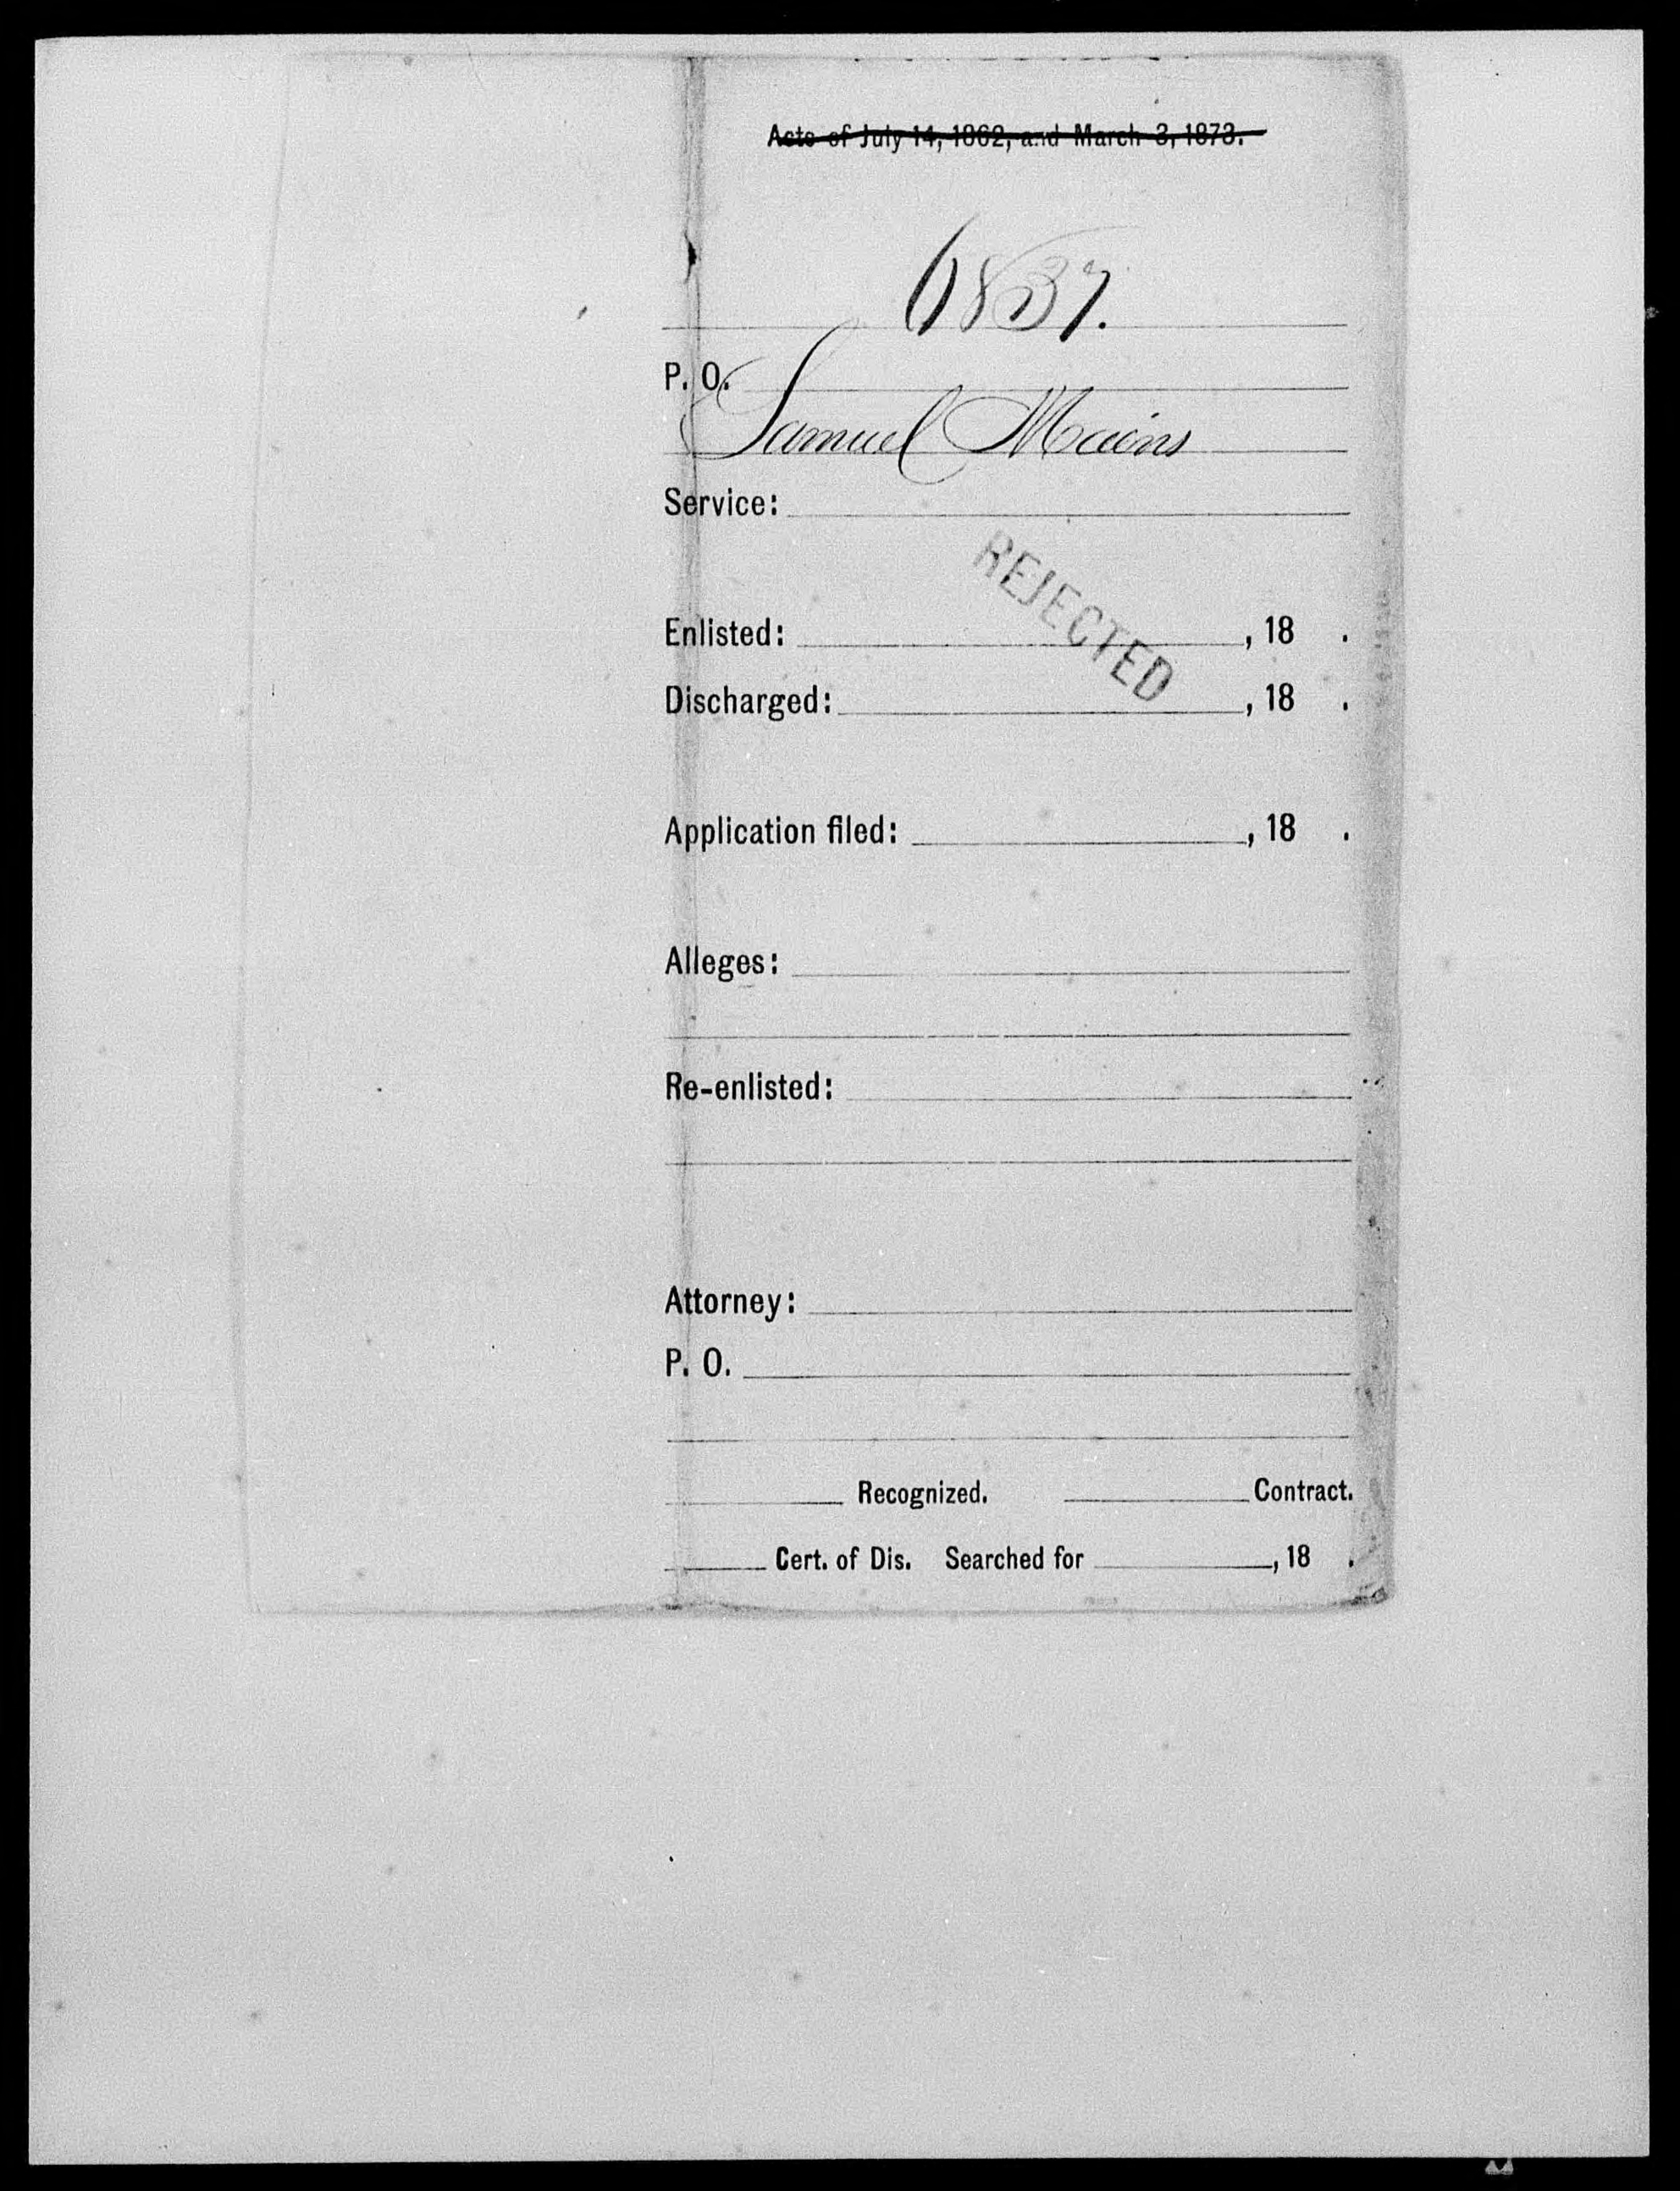[crossed out: Acts of July 14, 1862, and March 3, 1873.]

6837
P.O.
Samuel Mains
Service:

Enlisted: _____, 18. .
Discharged: _____, 18 .

Application filed: _____, 18  .

Alleges: _____
Re-enlisted: _____

Attorney: _____
P.O. _____

_____Recognized. _____Contract.
_____Cert of Dis.  Searched for _____,18  .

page: 3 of 11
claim: rejected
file: R 6837, for Samuel Mains, Maryland